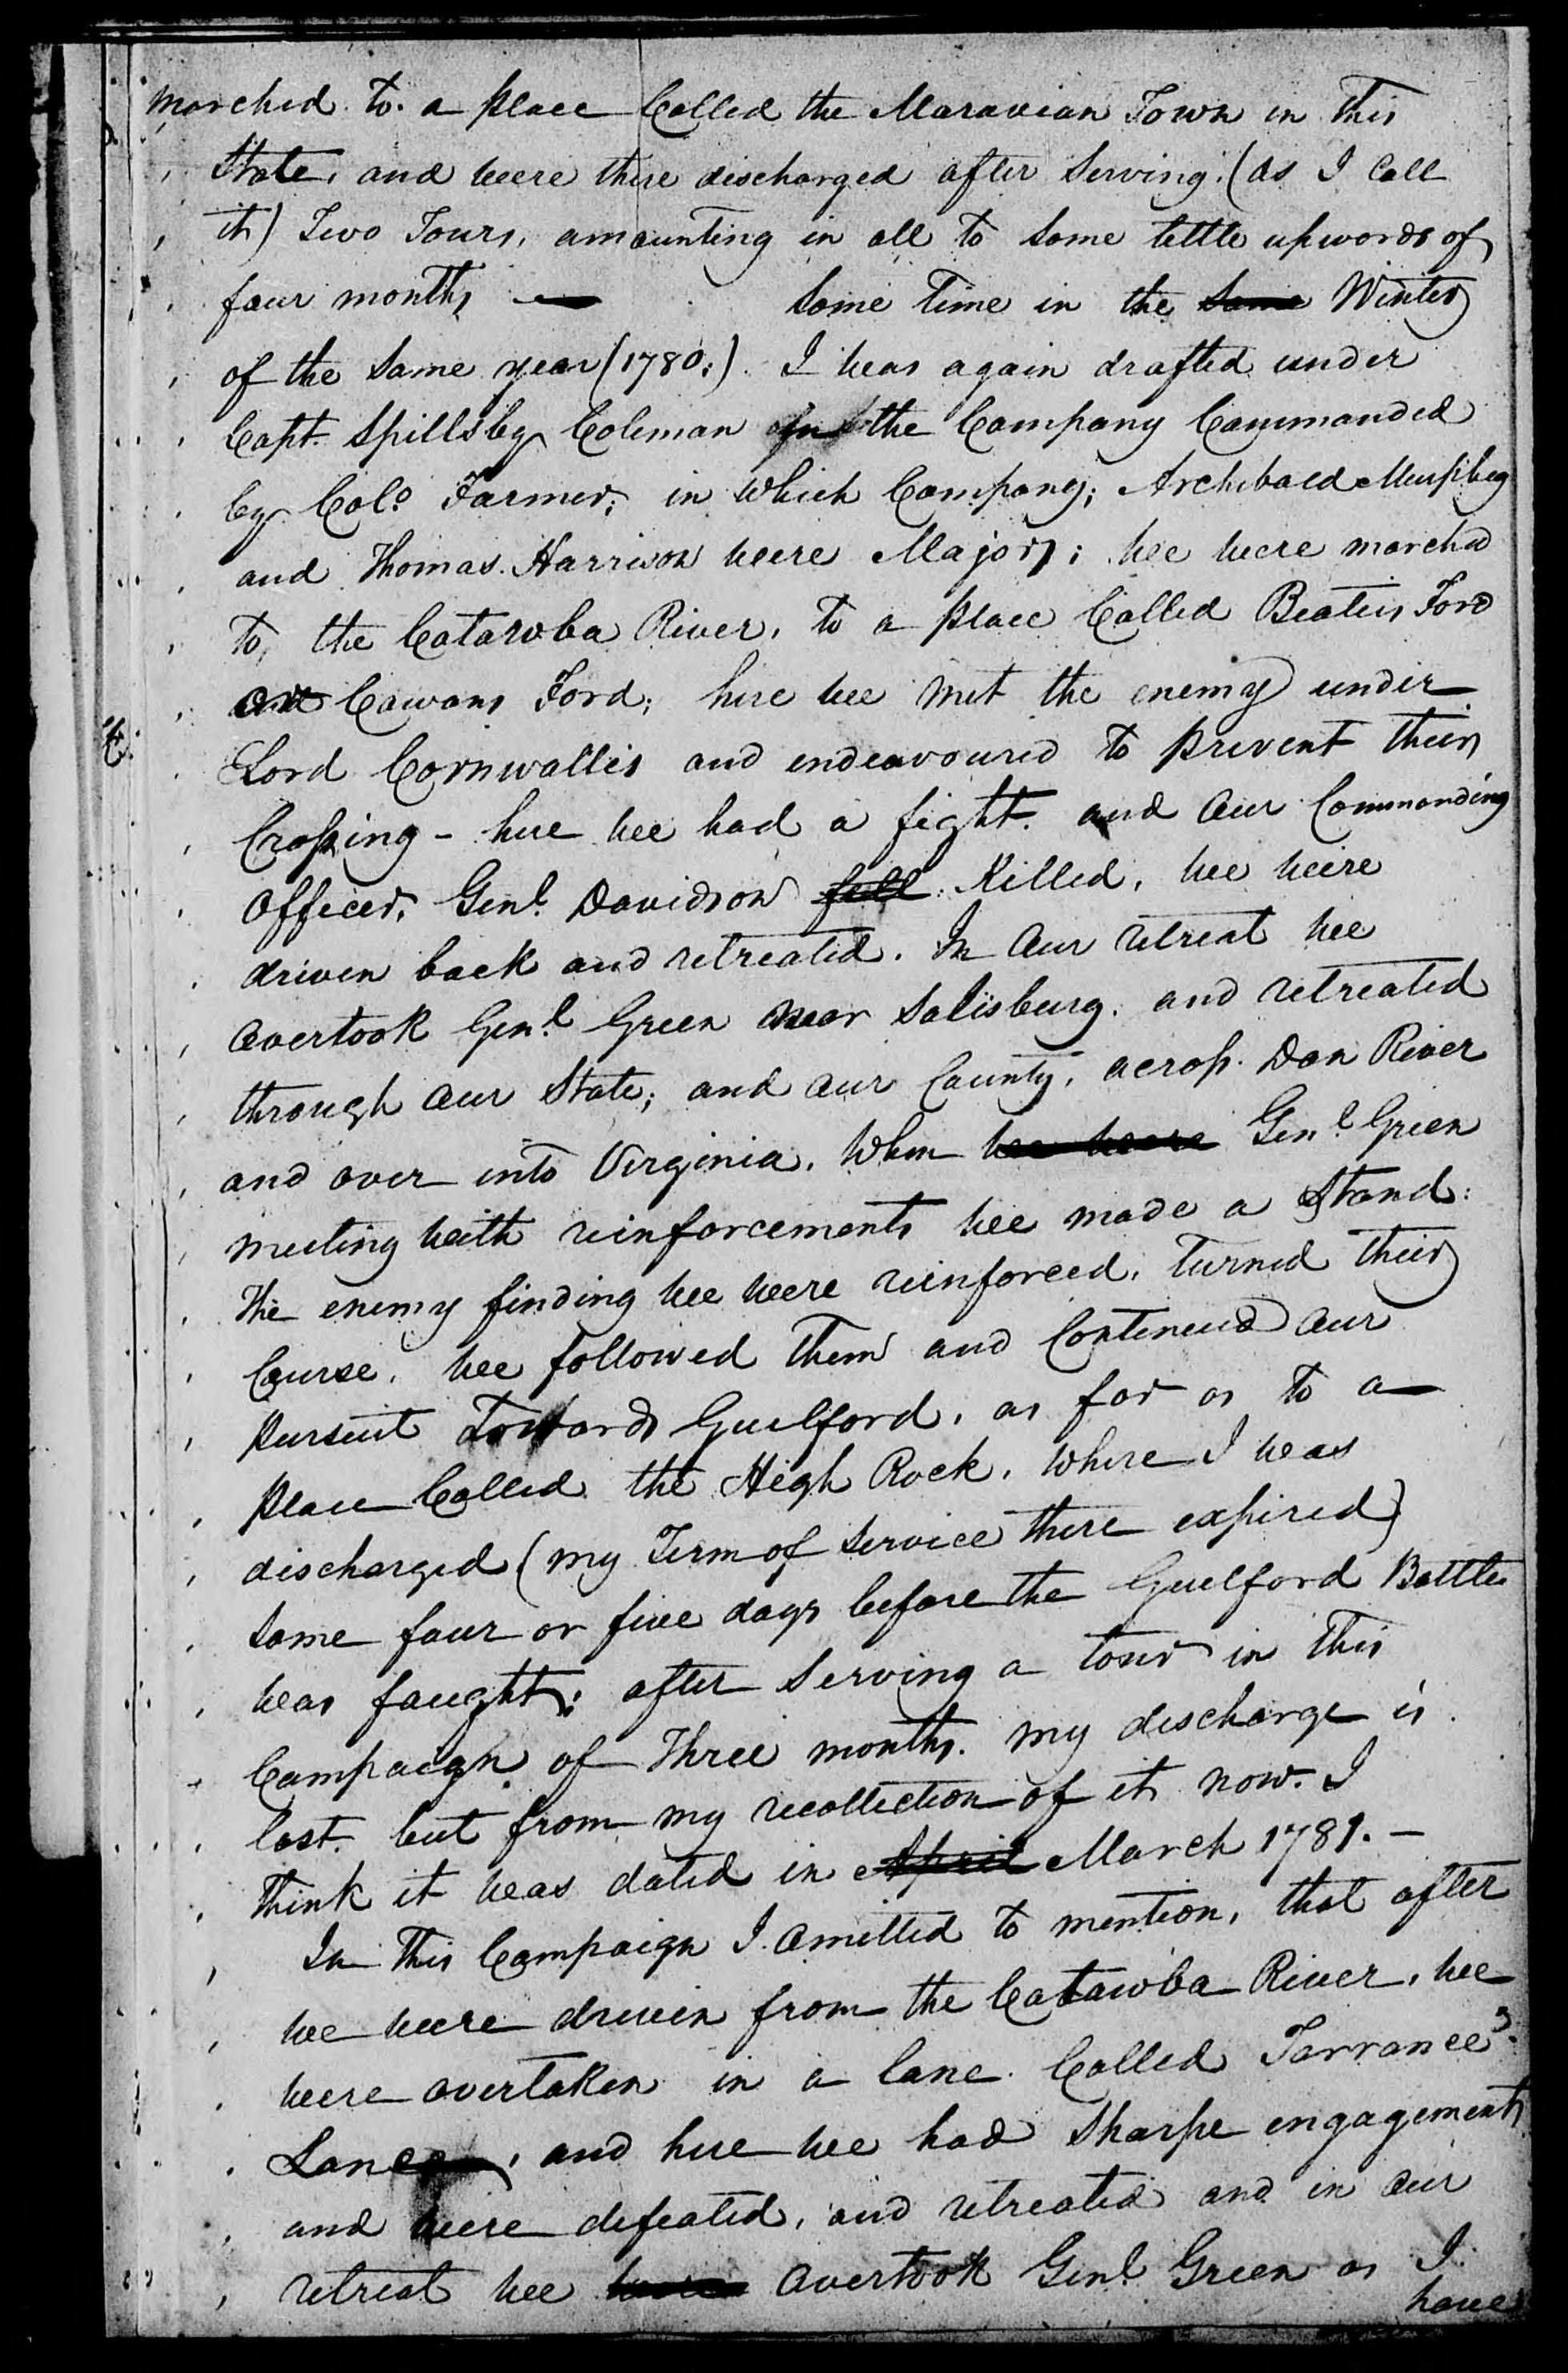to a place called the Moravian Town in this State and were there discharged after serving (as I call it) Two Tours, amounting in all to some little upwards of four months. 
Some Time in the Winter of the same year (1780) I was again drafted under Capt. Spillsby Coleman in the Company Commanded by Colo Farmer, in which Company, Archibald Murphey and Thomas Harrison were Majors, we were marched to the Catawba River, to a place called Beaties Ford and Cowans Ford; here we met the enemy under Lord Cornwallis and endeavoured to prevent their Crossing -here we had a fight, and our Commanding
Officer. Genl Davidson Killed, we were driven back and retreated. In our retreat we overtook Genl Green near Salisbury and retreated
through our State, and our County, across Don River and over into Virginia. When Genl Green
meeting with reinforcements we made a stand.
The enemy finding we were reinforced, turned their Course, We followed them and continued our pursuit towards Guilford, as for as to a
place called the High Rock, where I was
discharged (my Term of service there expired)
some four or five days before the Guilford Battle was fought after serving a tour in this
Campaign of three months my discharge is
lost, but from my recollection of it now. Ithink
it was dated in March 1781.-

In this campaign I omitted to mention, that after we were driven from the Catawba River, we here overtaken in a lane Called Tarrance
Lane , and here we had sharpe engagement
and were defeated, and retreated and in our
retreat we overtook Genl Green as I have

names: Green, Farmer, Green, Archibald Murphey, Spillsby Coleman, Thomas Harrison, Davidson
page: 7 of 29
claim: survivor's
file: S. 6830, Elisha Evans, N.C.